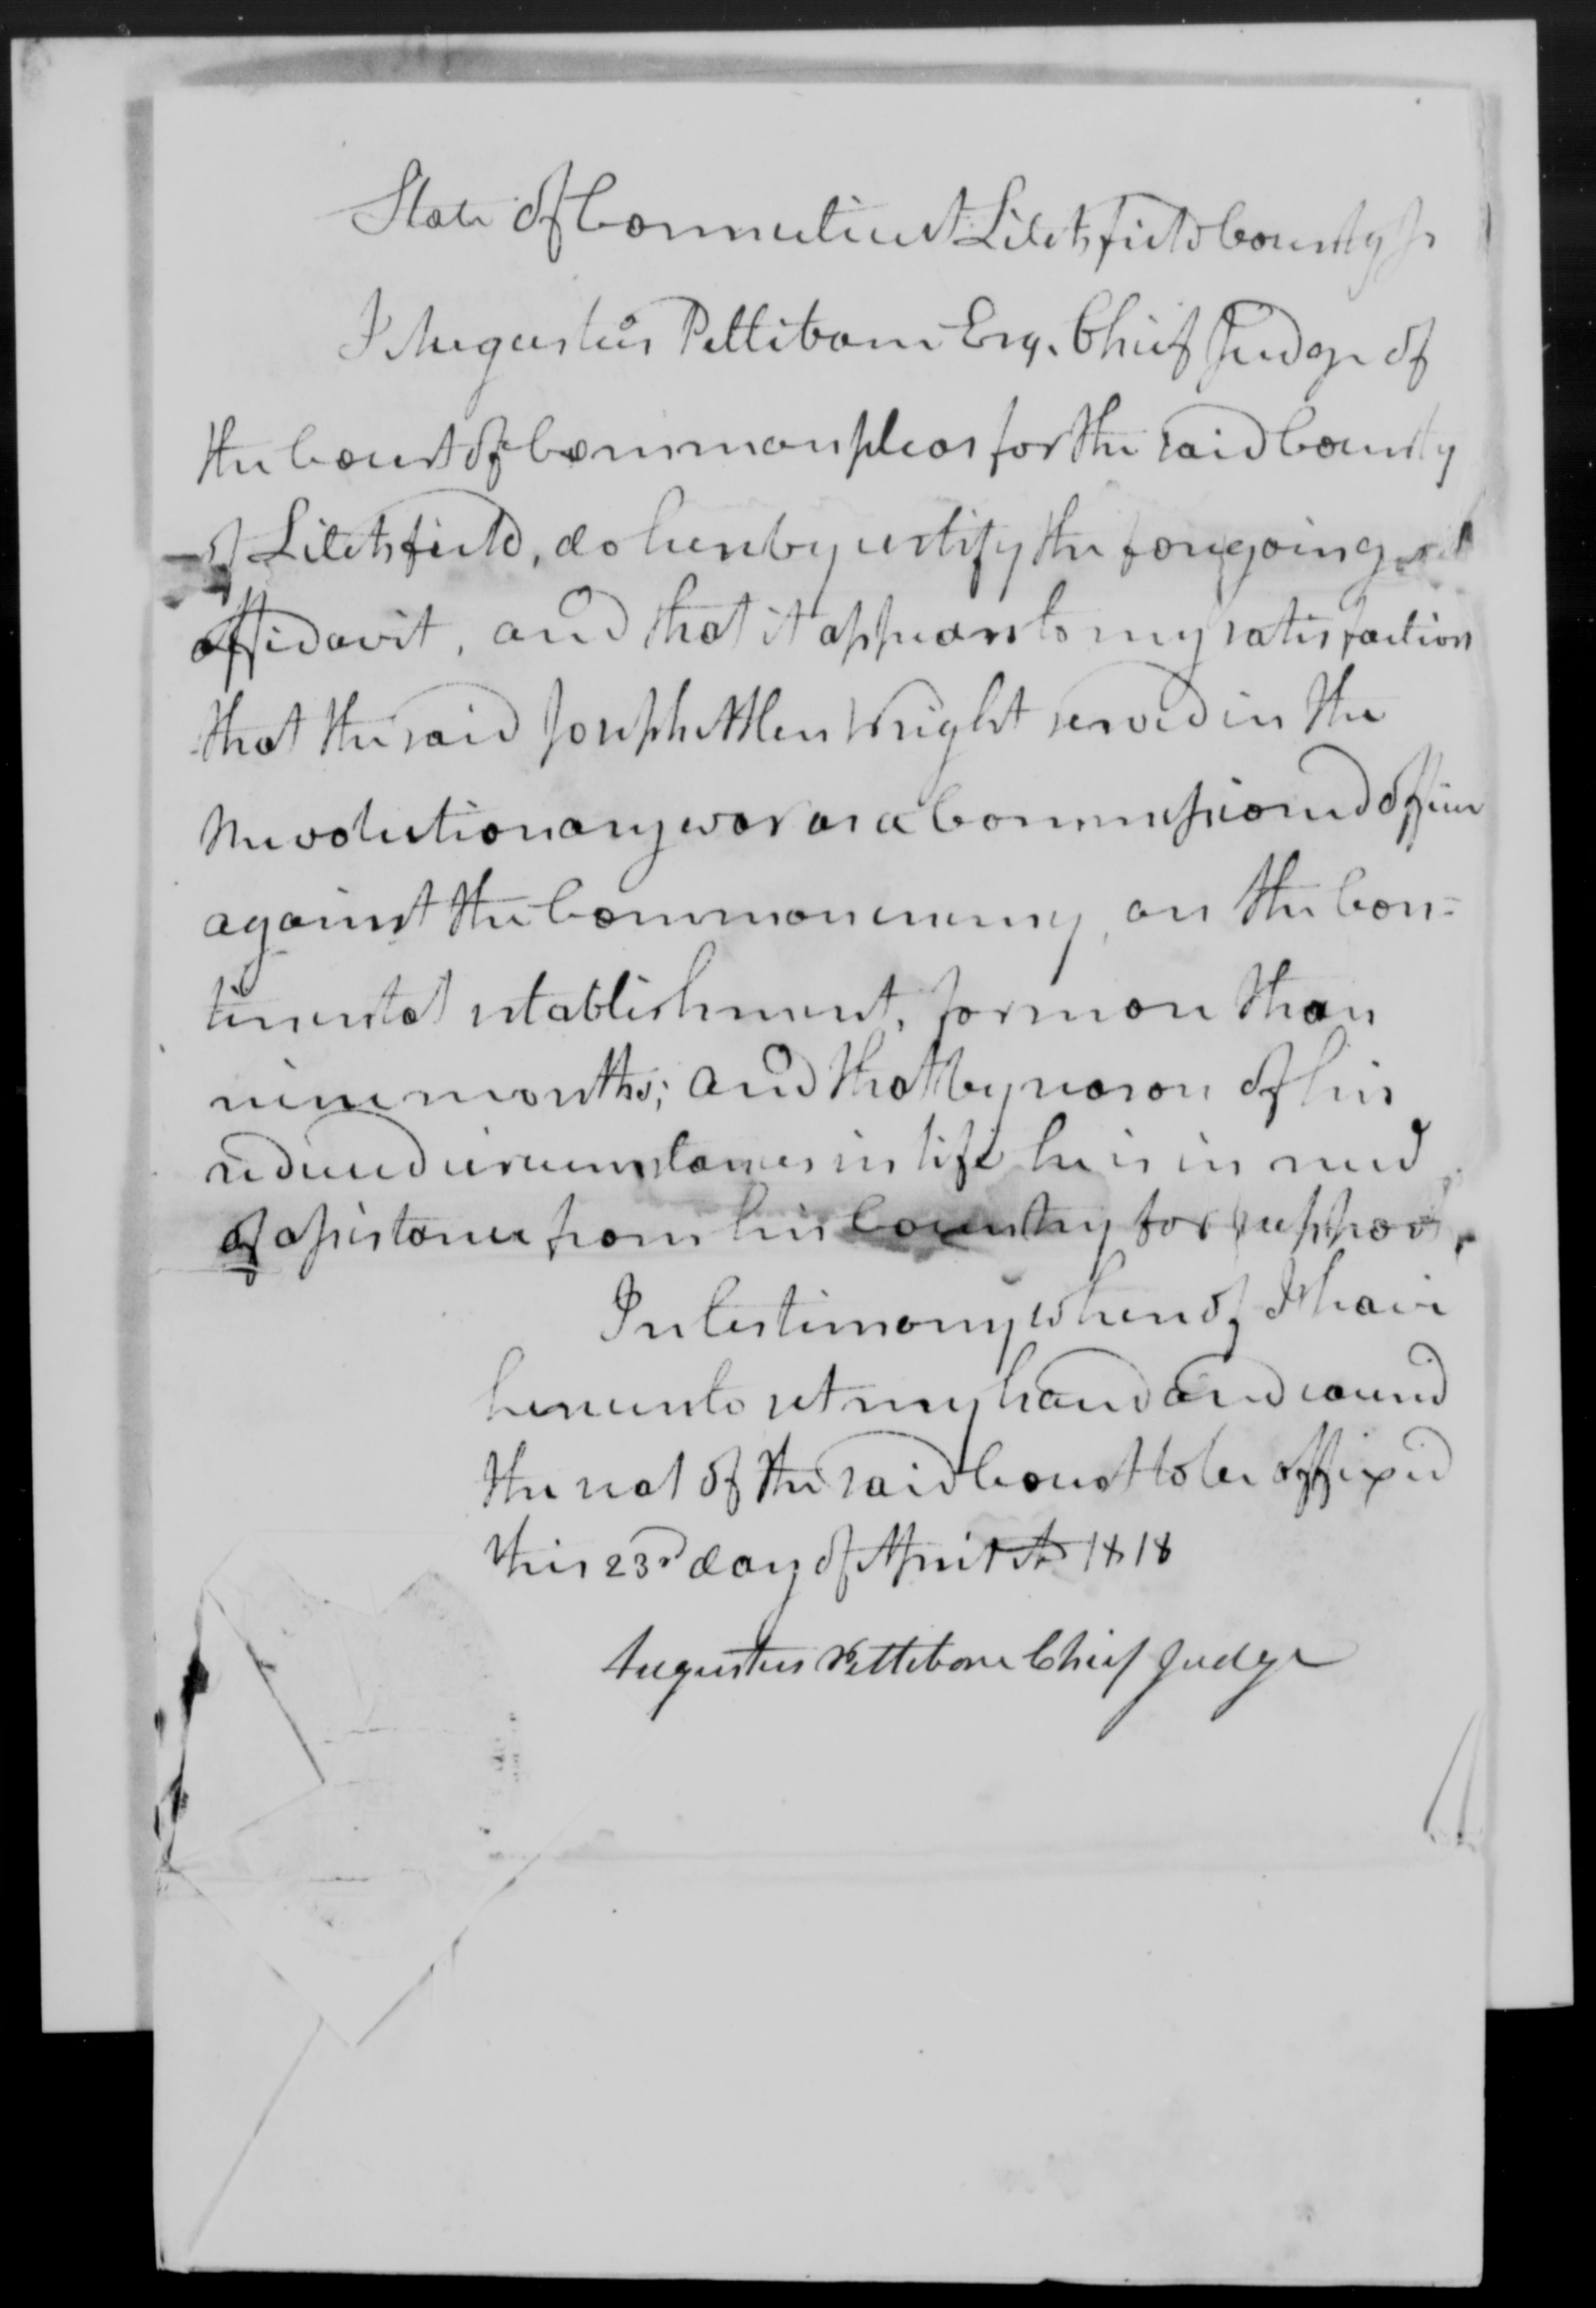State of Connecticut Litchfield County
Augustus Pettibone Esq. Chief Judge of
the Court of Common pleas for the said County of Litchfield, do hereby certify the foregoing affidavit and that it appears to my satisfaction that the said Joseph Allen Wright served in the Revolutionary war as a Commissioned officer against the common enemy on the Continental establishment, for more than nine months, and that by nomon of his reduced circumstances in life he is in need
 of assistance from his country for support.
In testimony whereof I have hereunto set my hand and caused the seal of the said Court to be affixed this 23rd day of April AD 1818
Augustus Pettibone Chief Judge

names: Joseph Allen Wright, Augustus Pettibone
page: 6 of 13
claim: survivor's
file: S. 36855, Joseph Allyn Wright, Conn. Continental